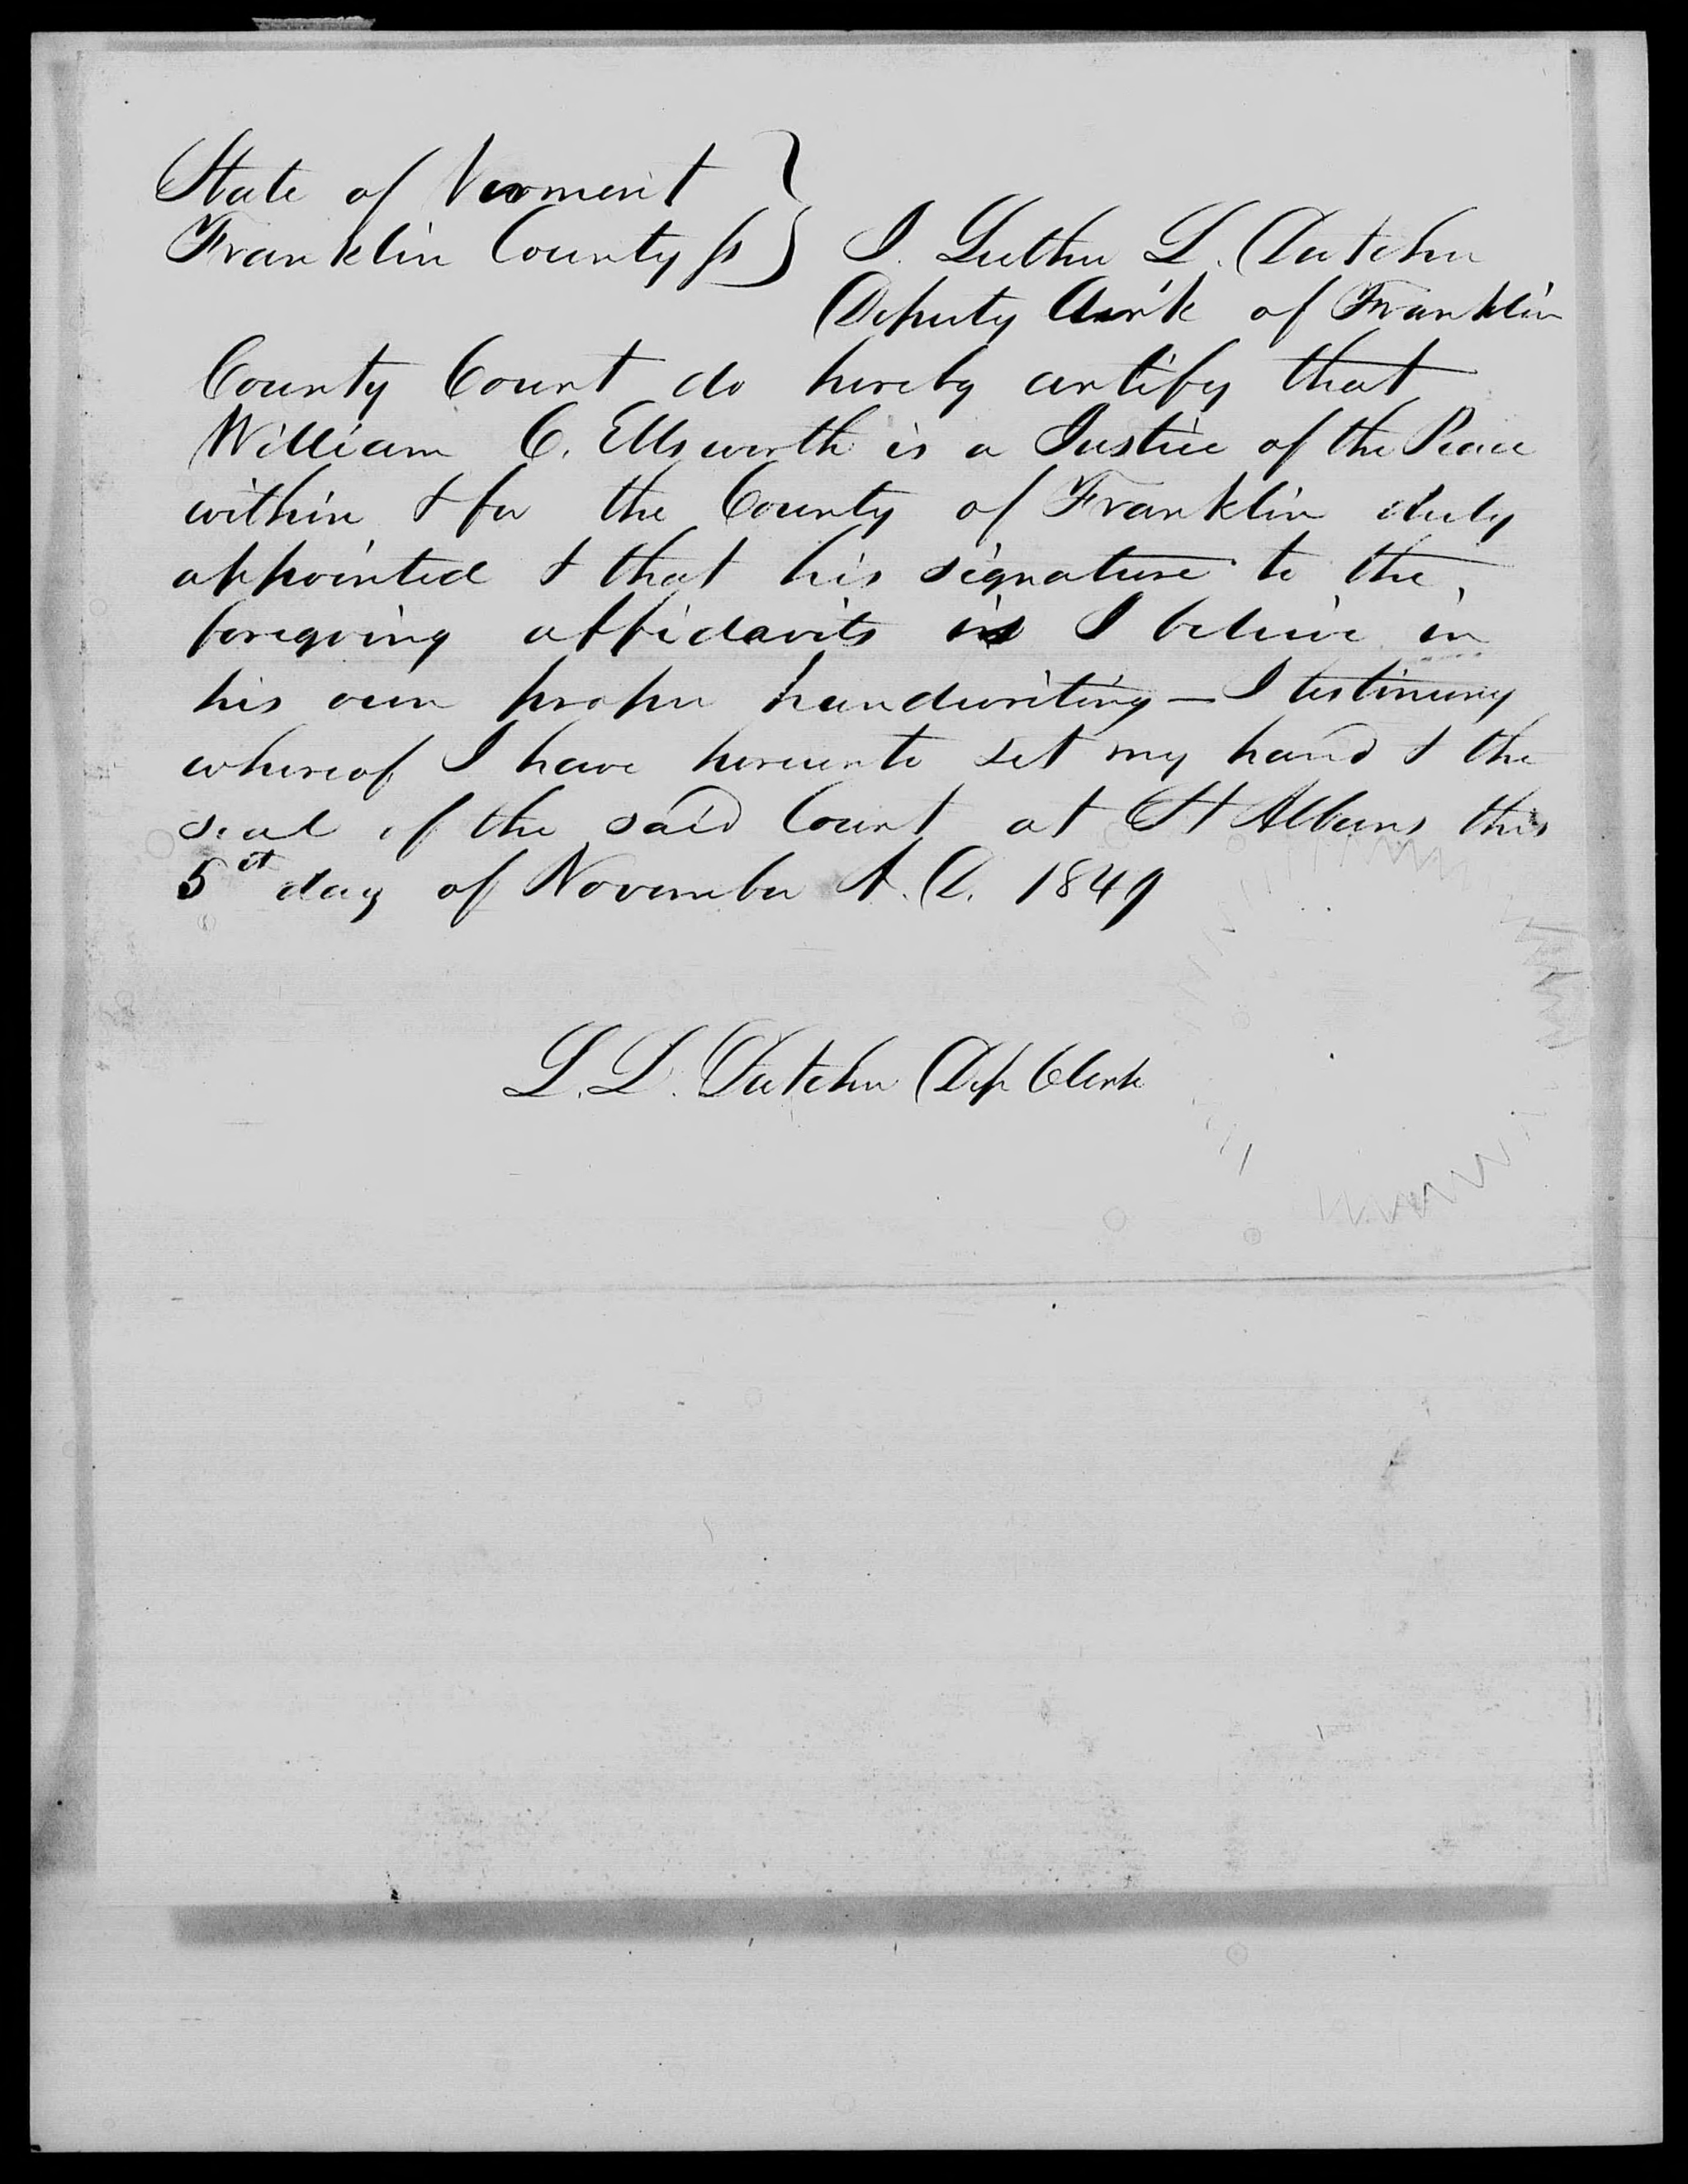State of Vermont Franklin County ss
I Luther D. Dutcher
Deputy Clerk of Franklin
County Court do hereby certify that
William C. Ellsworth is a Justice of the Peace
within & for the County of Franklin duly
appointed & that his signature to the
foregoing affidavits is I believe in
his own proper handwriting-- In testimony
whereof I have hereunto set my hand & the
seal of the said Court at St Albans this
5th day of November A.D. 1849
L. D. Dutcher Dep Clerk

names: William C Ellsworth; Luther L Dutcher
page: 48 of 99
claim: widow's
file: W. 24,482, for Richard Lattin, Vermont